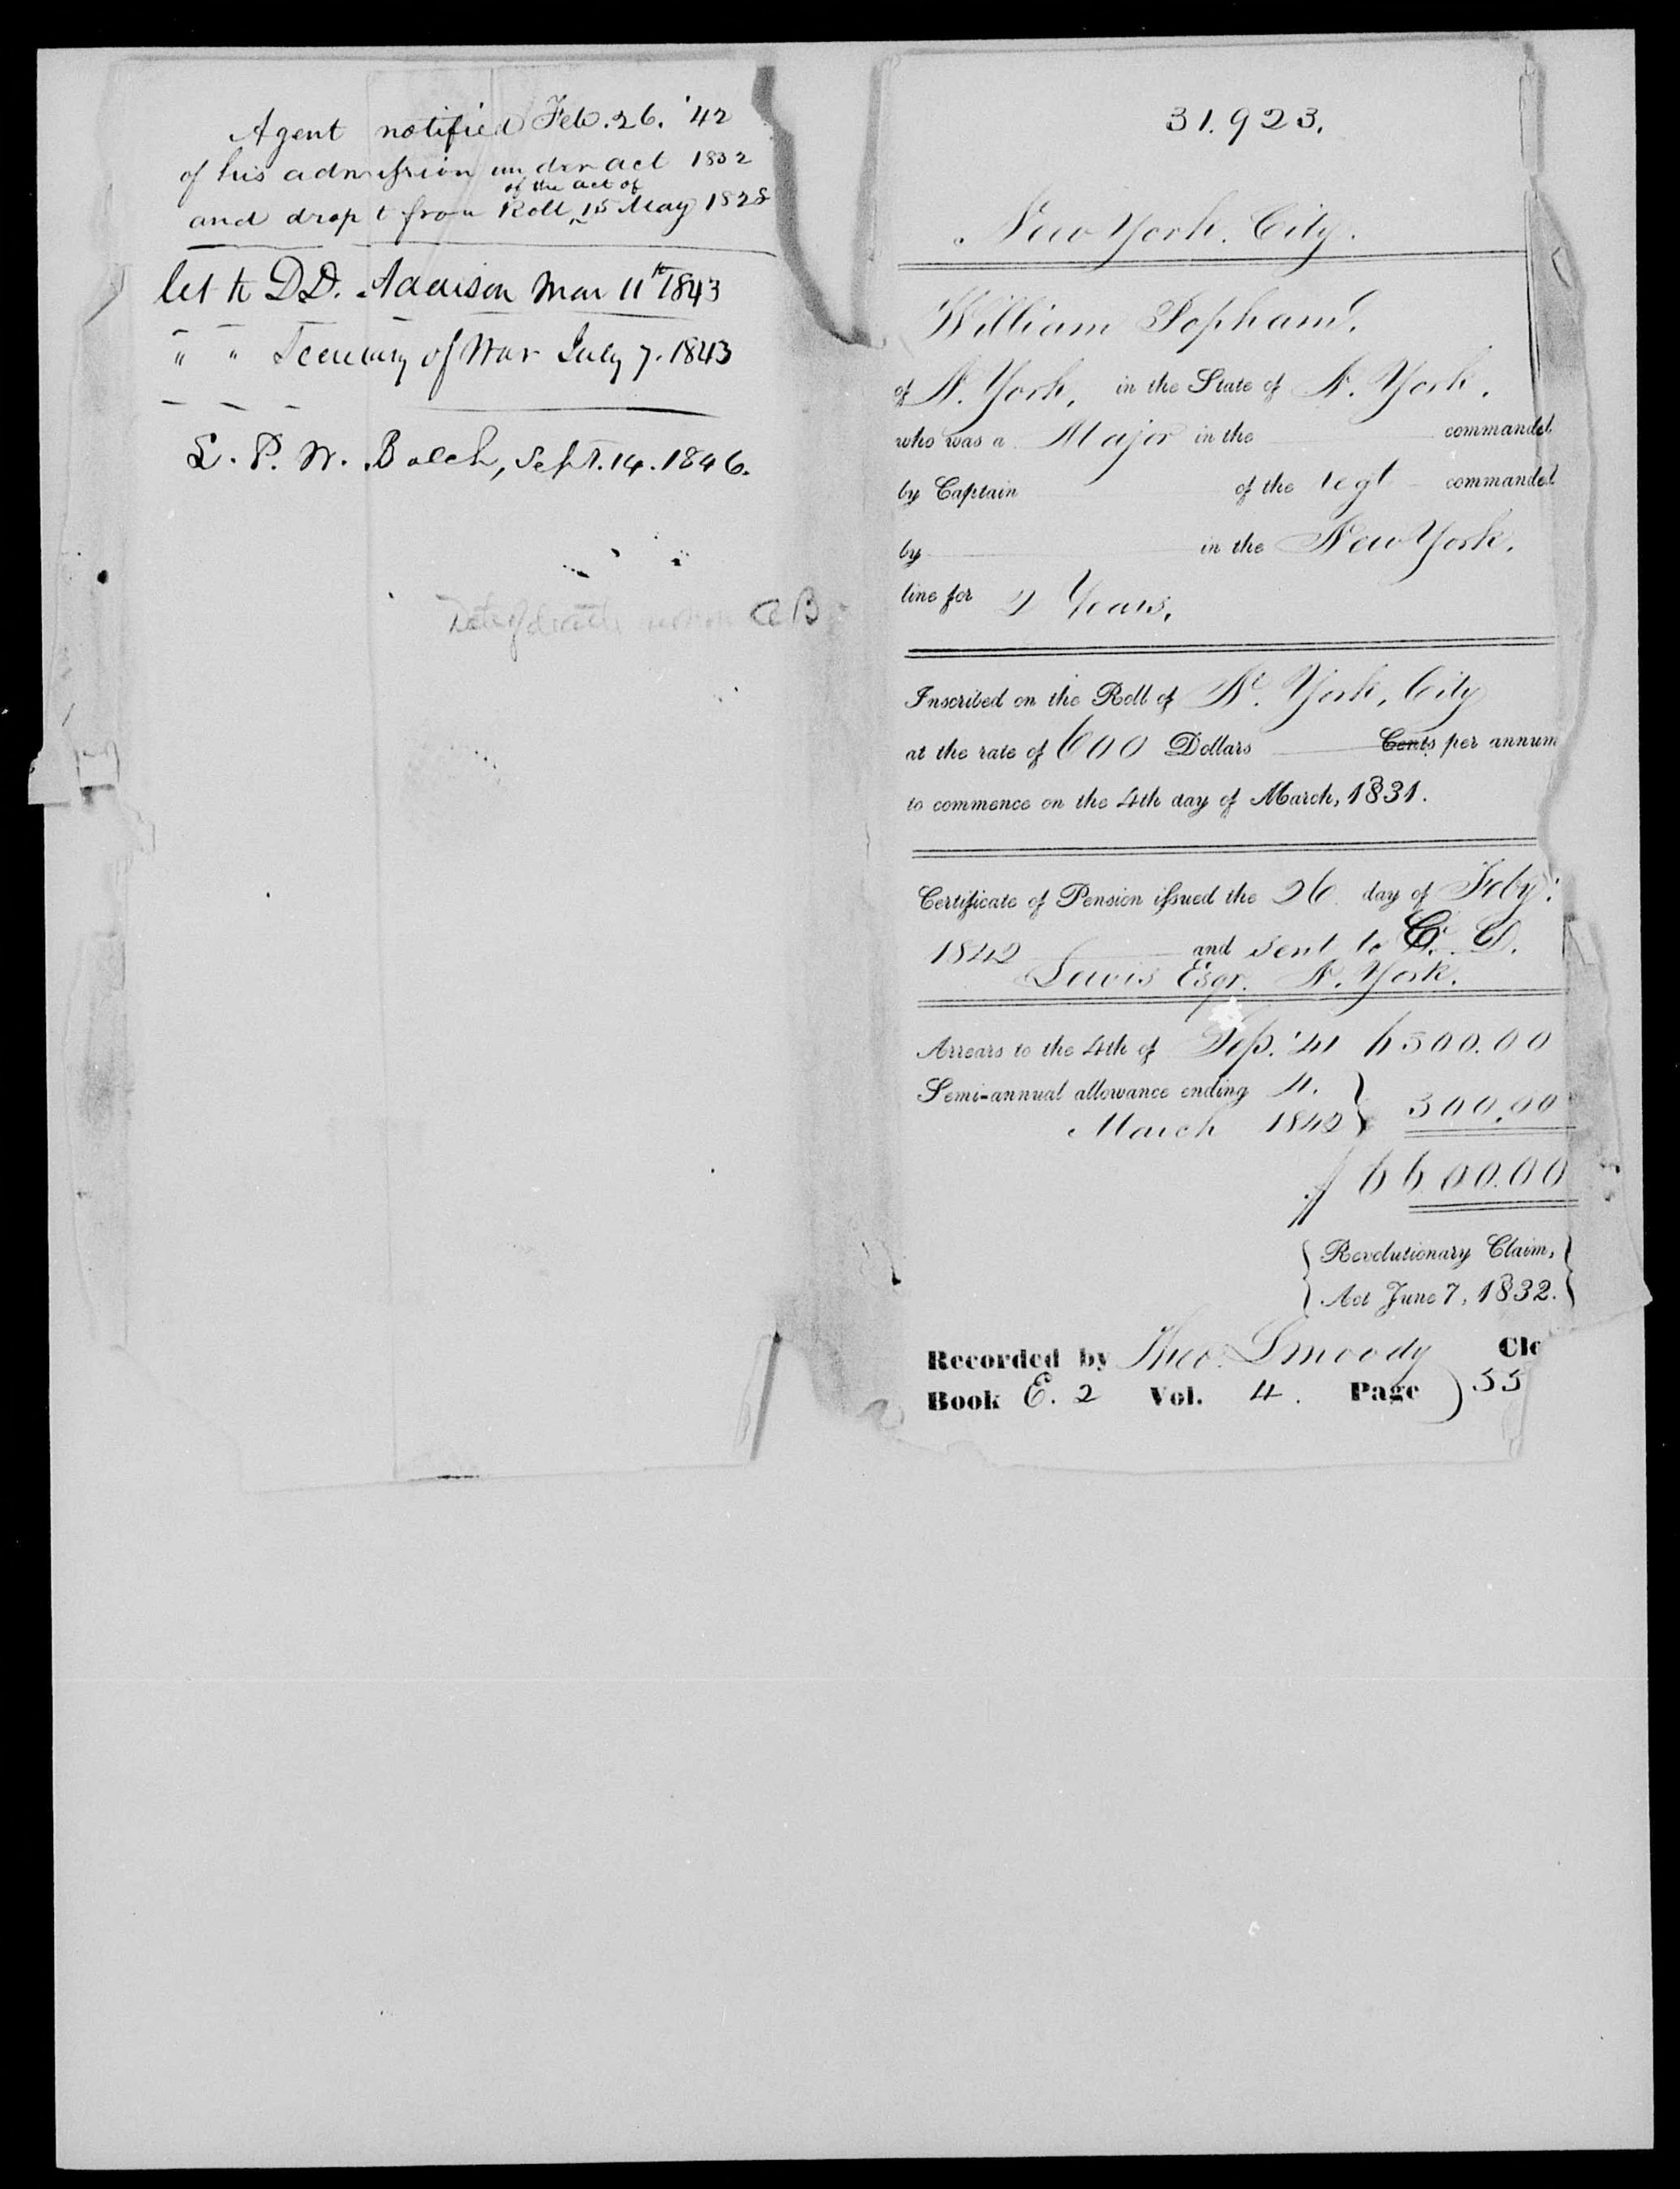Agent notified Feb. 26, '42
of his admission under act 1832
and dropt from Roll^ of the act of 15 May 1828
let to D. D. Addison Mar 11th 1843
-
" " Secretary of War July 7. 1843
L.P.W. Balch, Sept. 14. 1846

Date of Death [illegible] A B

31.923
New York City
William Popham
of N. York in the State of N. York
who was a Major in the
command
by Captain
of the Regt commanded
by
in the New York
line for 2 years,
Inscribed on the Roll of N. York, City
at the rate of 600 Dollars Cents per annum
to commence on the 4th day of March, 1831.

Certificate of Pension issued the 26 day of Feby: 1842 and sent to C.D. Lewis Esqr. N. York.

Arrears to the 4th of Sep. '24           1500.00
Semi-annual allowance ending 11.}    300.00
March 1842}
                                                        $6600.00
{Revolutionary Claim,}
{Act June 7, 1832.}
Recorded by Theo L Moody Clerk
Book E.2 Vol. 4 Page 55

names: C D Lewis; D D Addison; L P W Balch; William Popham; Theo L Moody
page: 2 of 75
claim: survivor's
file: S. 9989, for William Popham, Delaware